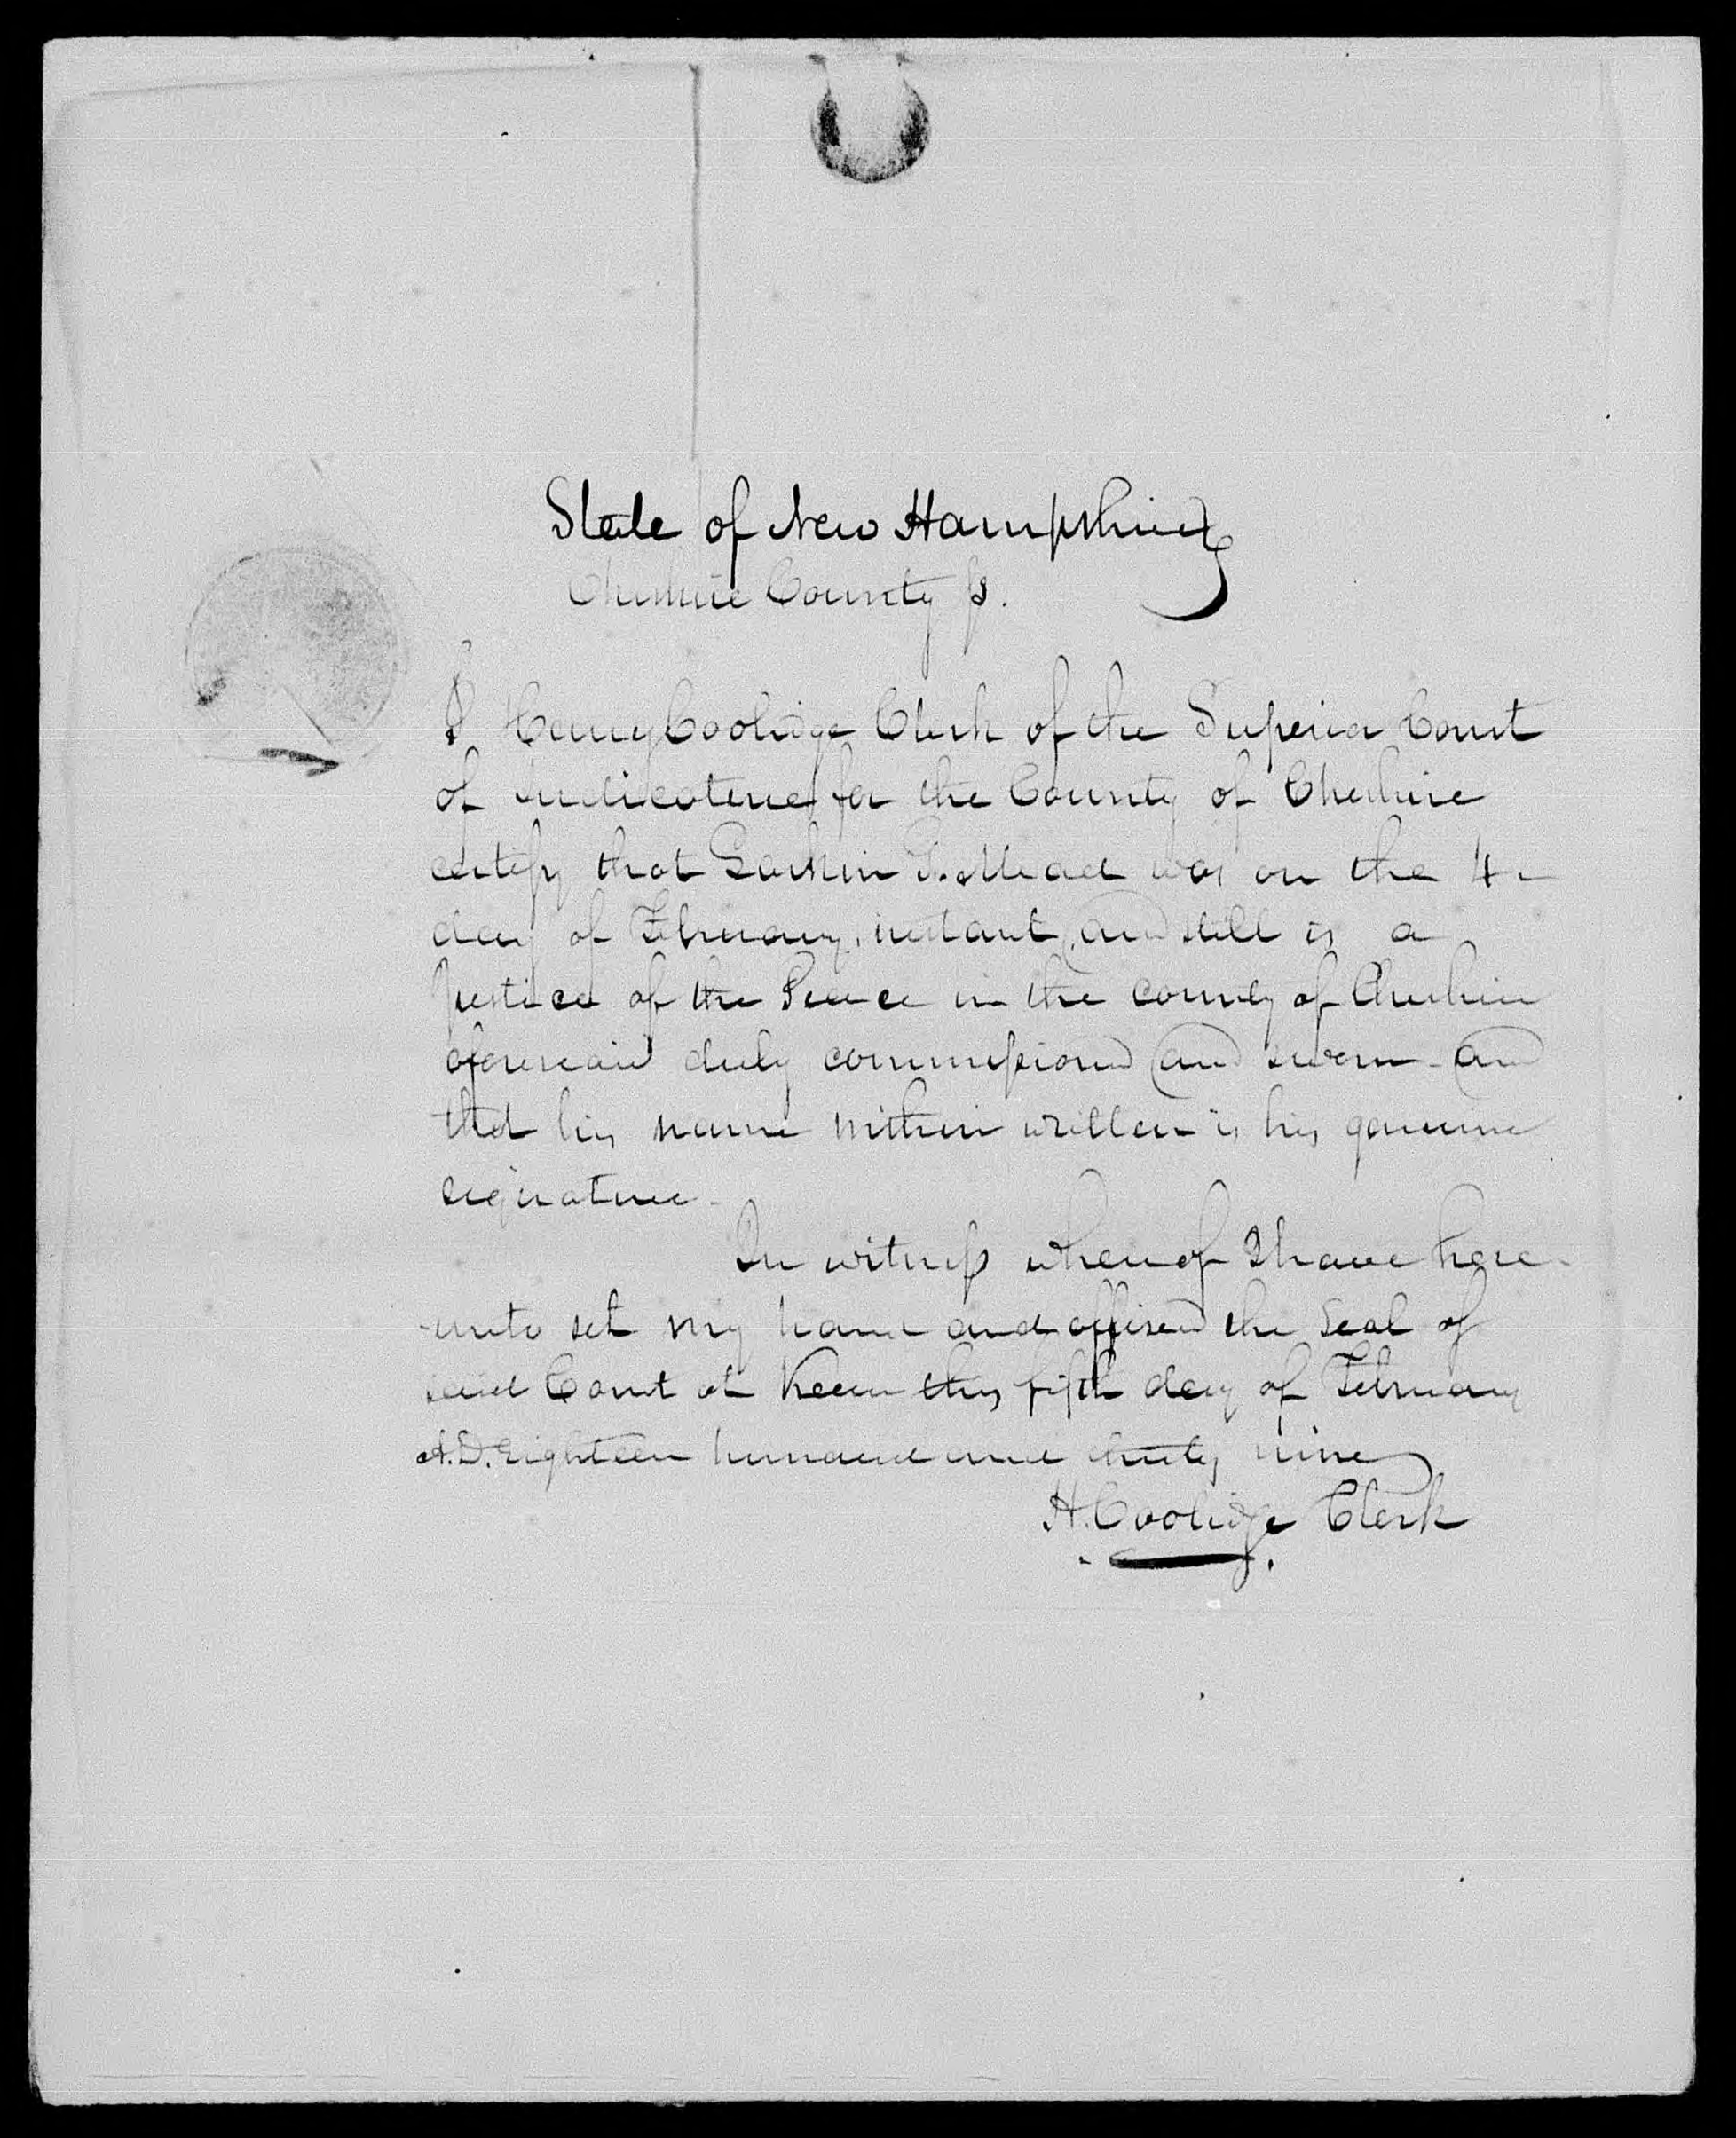State of New Hampshire
Cheshire County Ss.

[Seal on left side]

I Henry Coolidge Clerk of the Superior Court
of judicature for the County of Cheshire
certify that Larkin G Mead was on the 4 -
day of February instant, and still is a
Justice of the Peace in the County of Cheshire
aforesaid duly commissioned and sworn and
that his name within written is his genuine
signature.
In witness whereof I have here
unto set my hand and affixed the seal of
said Court at Keene this fifth day of February
A.D. Eighteen hundred and thirty nine
H. Coolidge Clerk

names: H Coolidge, Larkin G Mead, Henry Coolidge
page: 11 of 46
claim: widow's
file: W. 23022, Thomas Farr, N.H.